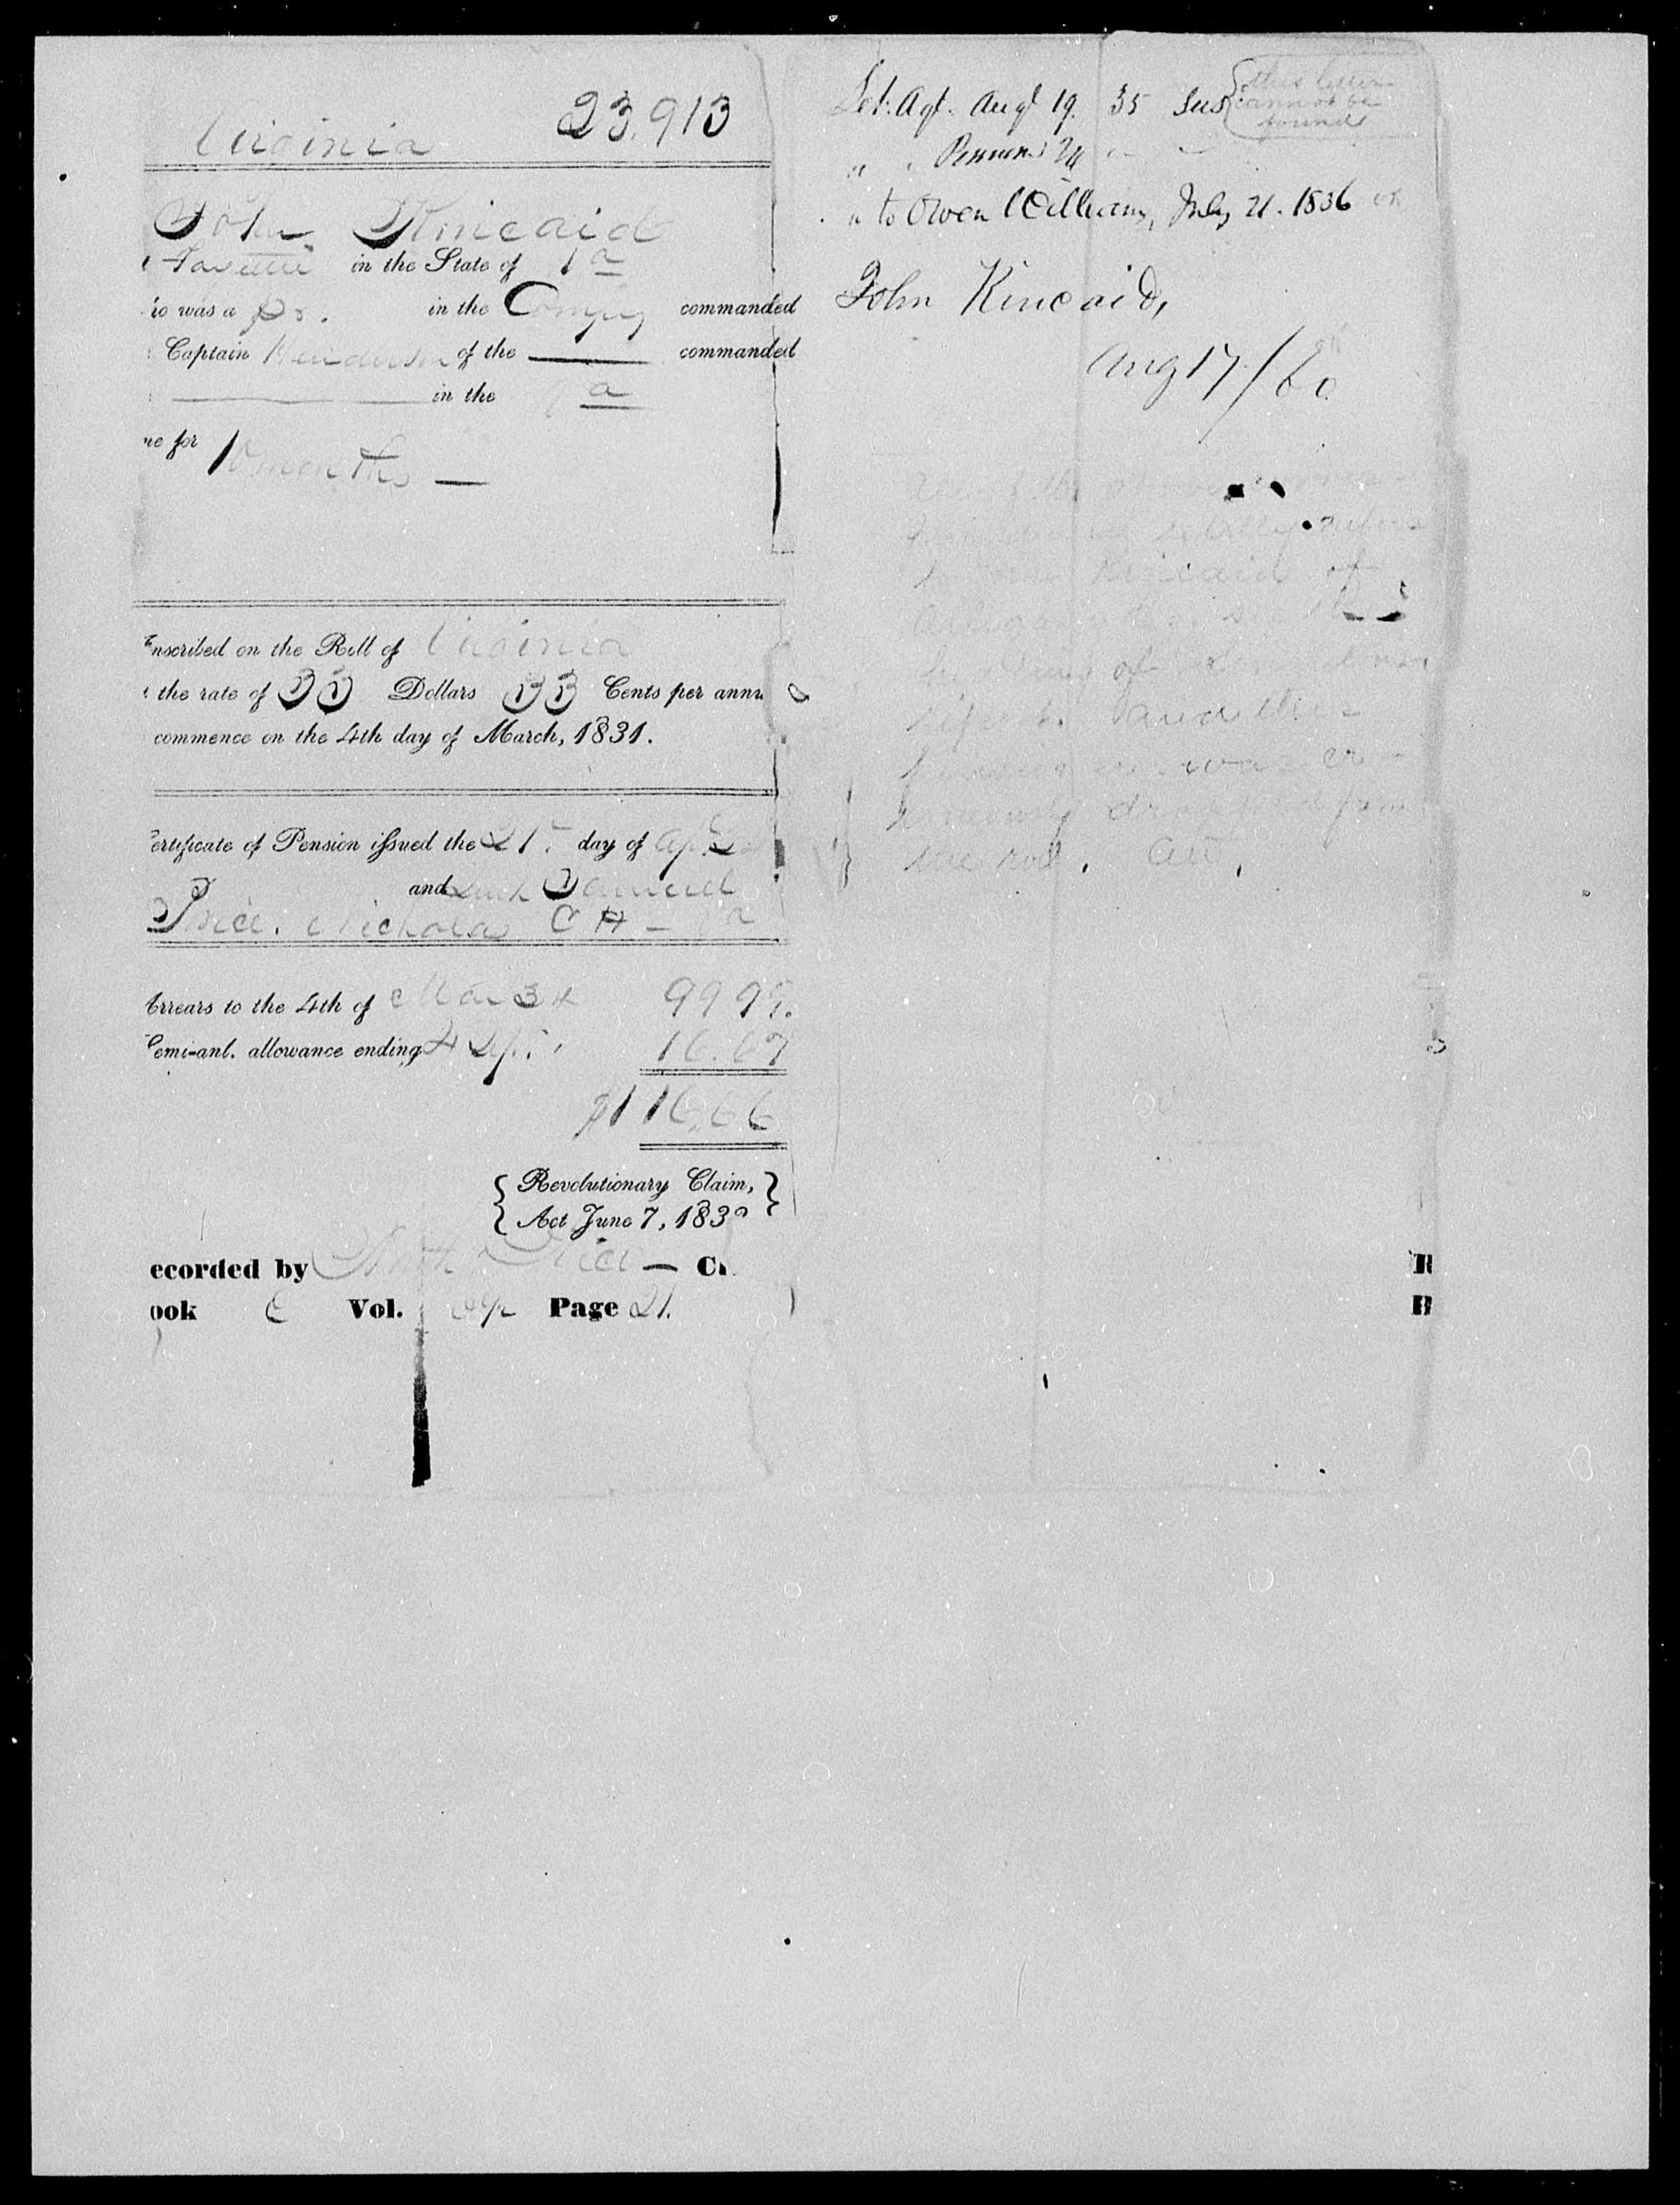Virginia

23913

John Kincaid
Fayette in the State of Va
who was a private in the Company commanded
by Captain Henderson of the .....
commanded   in the Va
line for 10 months


Inscribed on the Roll of Virginia
at the rate of 33 Dollars 33 cents per annum,
to commence on the 4th day of March, 1831.


Certificate of Pension issued the 21st day of April 1834 
and sent to Samuel Price 
Nicholas Court House Va.


Arrears to the 4th of March 1834        $99.99
Semi-anl allowance ending  4 Sept. 1834  $16.67

$116.66


{Revolutionary Claim,}
{Act June 7, 1832}

Recorded by Nathaniel Rice Clerk
Book E Vol. ? Page 21



Letter Agent August 19 1835  ? (This letter cannot be found)
Letter Pension 24 1835
Letter to Owen Williams July 21, 1836

John Kincaid

Aug 17/60


(bottom is too light)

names: John Kincaid; Nath Rice; Owen Williams; Samuel Price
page: 6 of 33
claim: survivor's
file: S. 19367, for John Kincaid, Virginia